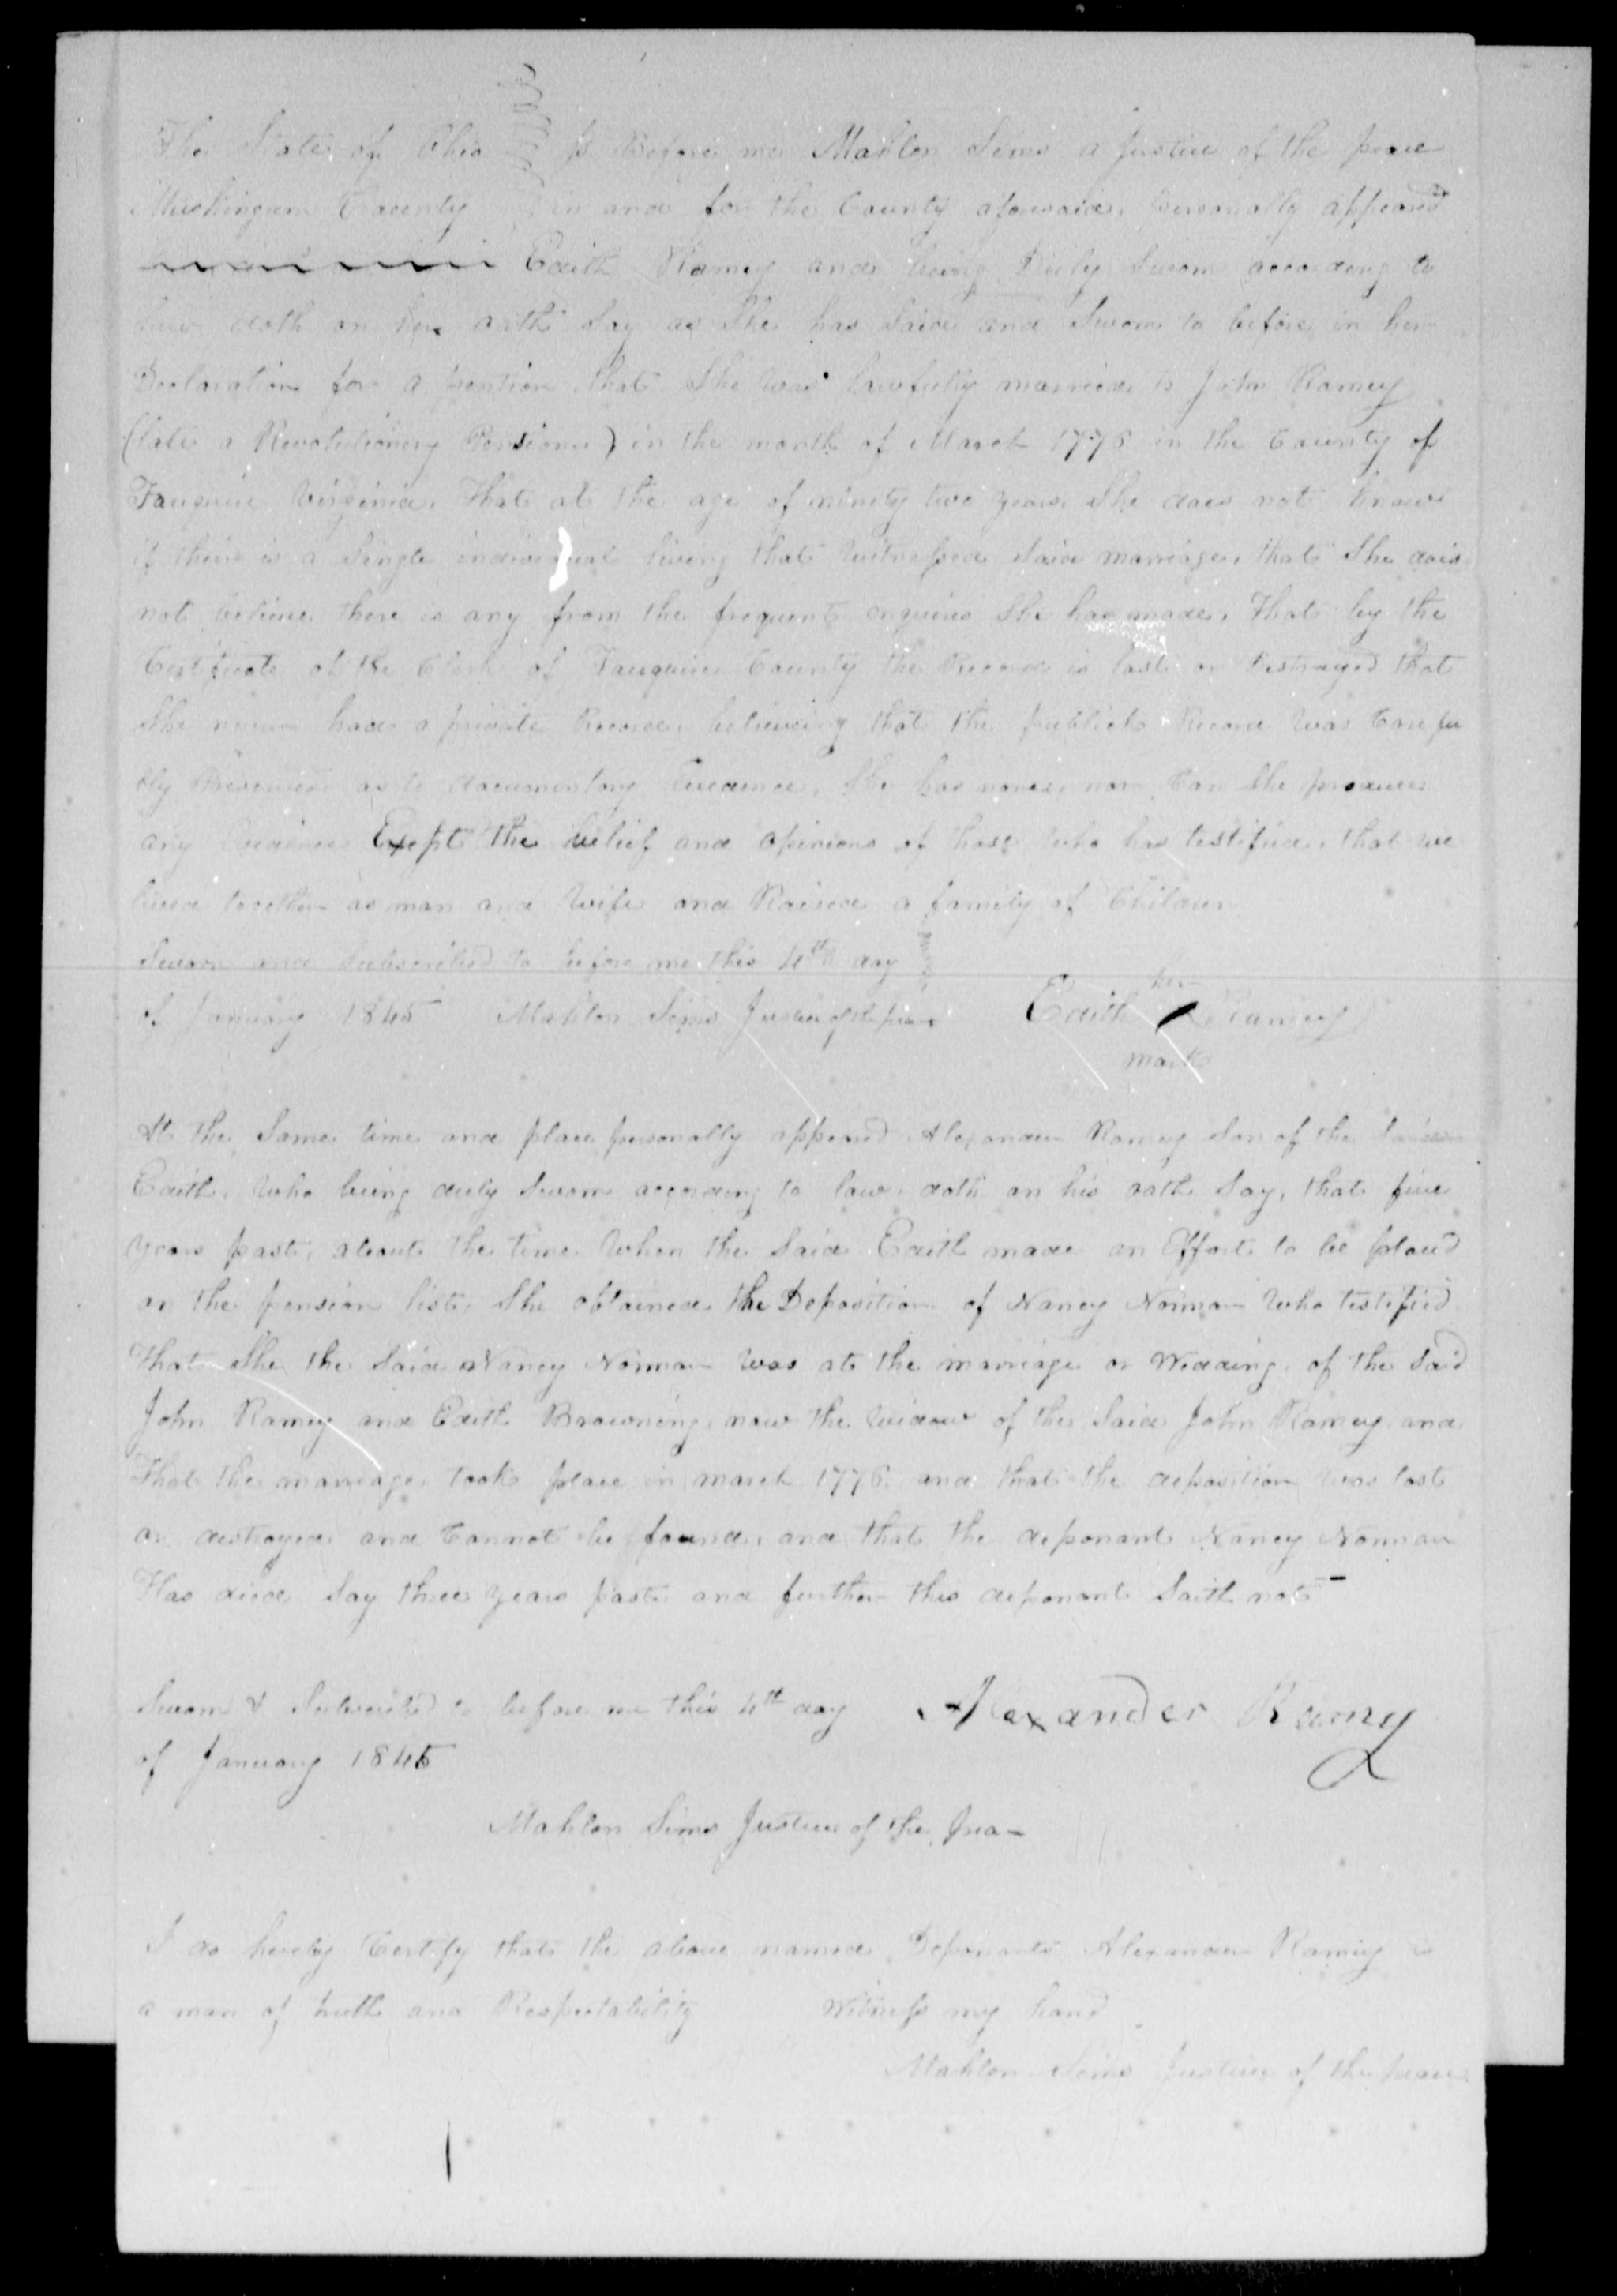The State of Ohio SS. Before me Mahlon Sims a
Muskingum County Justice of the Peace in and for the County aforesaid, personally appeared Edith Ramey and being Duly Sworn, according to Law doth on her oath Say as She has Said and Sworn to before, in her Declaration for a pention, that She was lawfully married to John Ramey (late a Revolutionary Pensioner) in the month of March 1776 in the County of Fauquier Virginia, That at the age of ninety two years, She does not know if there is a Single individual living that Witnessed Said marriage, that She does not believe there is any from the frequent enquiries She has made, That by the Certificate of the Clerk of Fauquier County the Records is lost or destroyed that She never had a private Record, believing that the publick Record was carefully Preserved as to documentary Evidence, She has never, nor can she procure any Evidence Except the belief and opinions of those who has testified, that we lived together as man and wife and Raised a family of Children
Sworn and Subscribed to before me this 4th day of January 1845 Mahlon Sims Justice of the Peace Edith Ramey x her mark

At the same time and place personally appeared Alexander Ramey Son of the said Edith, who being duly Sworn according to law, doth on his oath Say, that five years past, about the time when the said Edith made an Effort to be placed on the pension list, She obtained the Deposition of Nancy Norman who testified That She the Said Nancy Norman was at the marriage or Wedding of the said John Ramey and Edith Browning now the Evidence of the said John Ramey and That the marriage took place in March 1776 and hat the deposition was lost or destroyed and cannot be found, and that the deponent Nancy Norman Has died Say three years past and further the deponent Saith not
Sworn & Subscribed to before me this 4th day of January 1845 Alexander Ramey
Mahlon Sims Justice of the Peace

I do hereby Certify that the above named Deponent Alexander Ramey is a man of truth and Respectability Witness my hand
Mahlon Sims Justice of the Peace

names: Nancy Norman; John Ramey; Edith [BLANK]; Mahlon Sims; Alexander Ramy; John Ramey; Nancy Norman; John Ramey; Edith Ramey; Edith Browning; Mahlon Sims; Mahlon Sims; Alexander Ramey; Alexander Ramey; Mahlon Sims; Nancy Norman; Edith Ramey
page: 78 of 84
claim: widow's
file: W.11104, for John Remay, Virginia